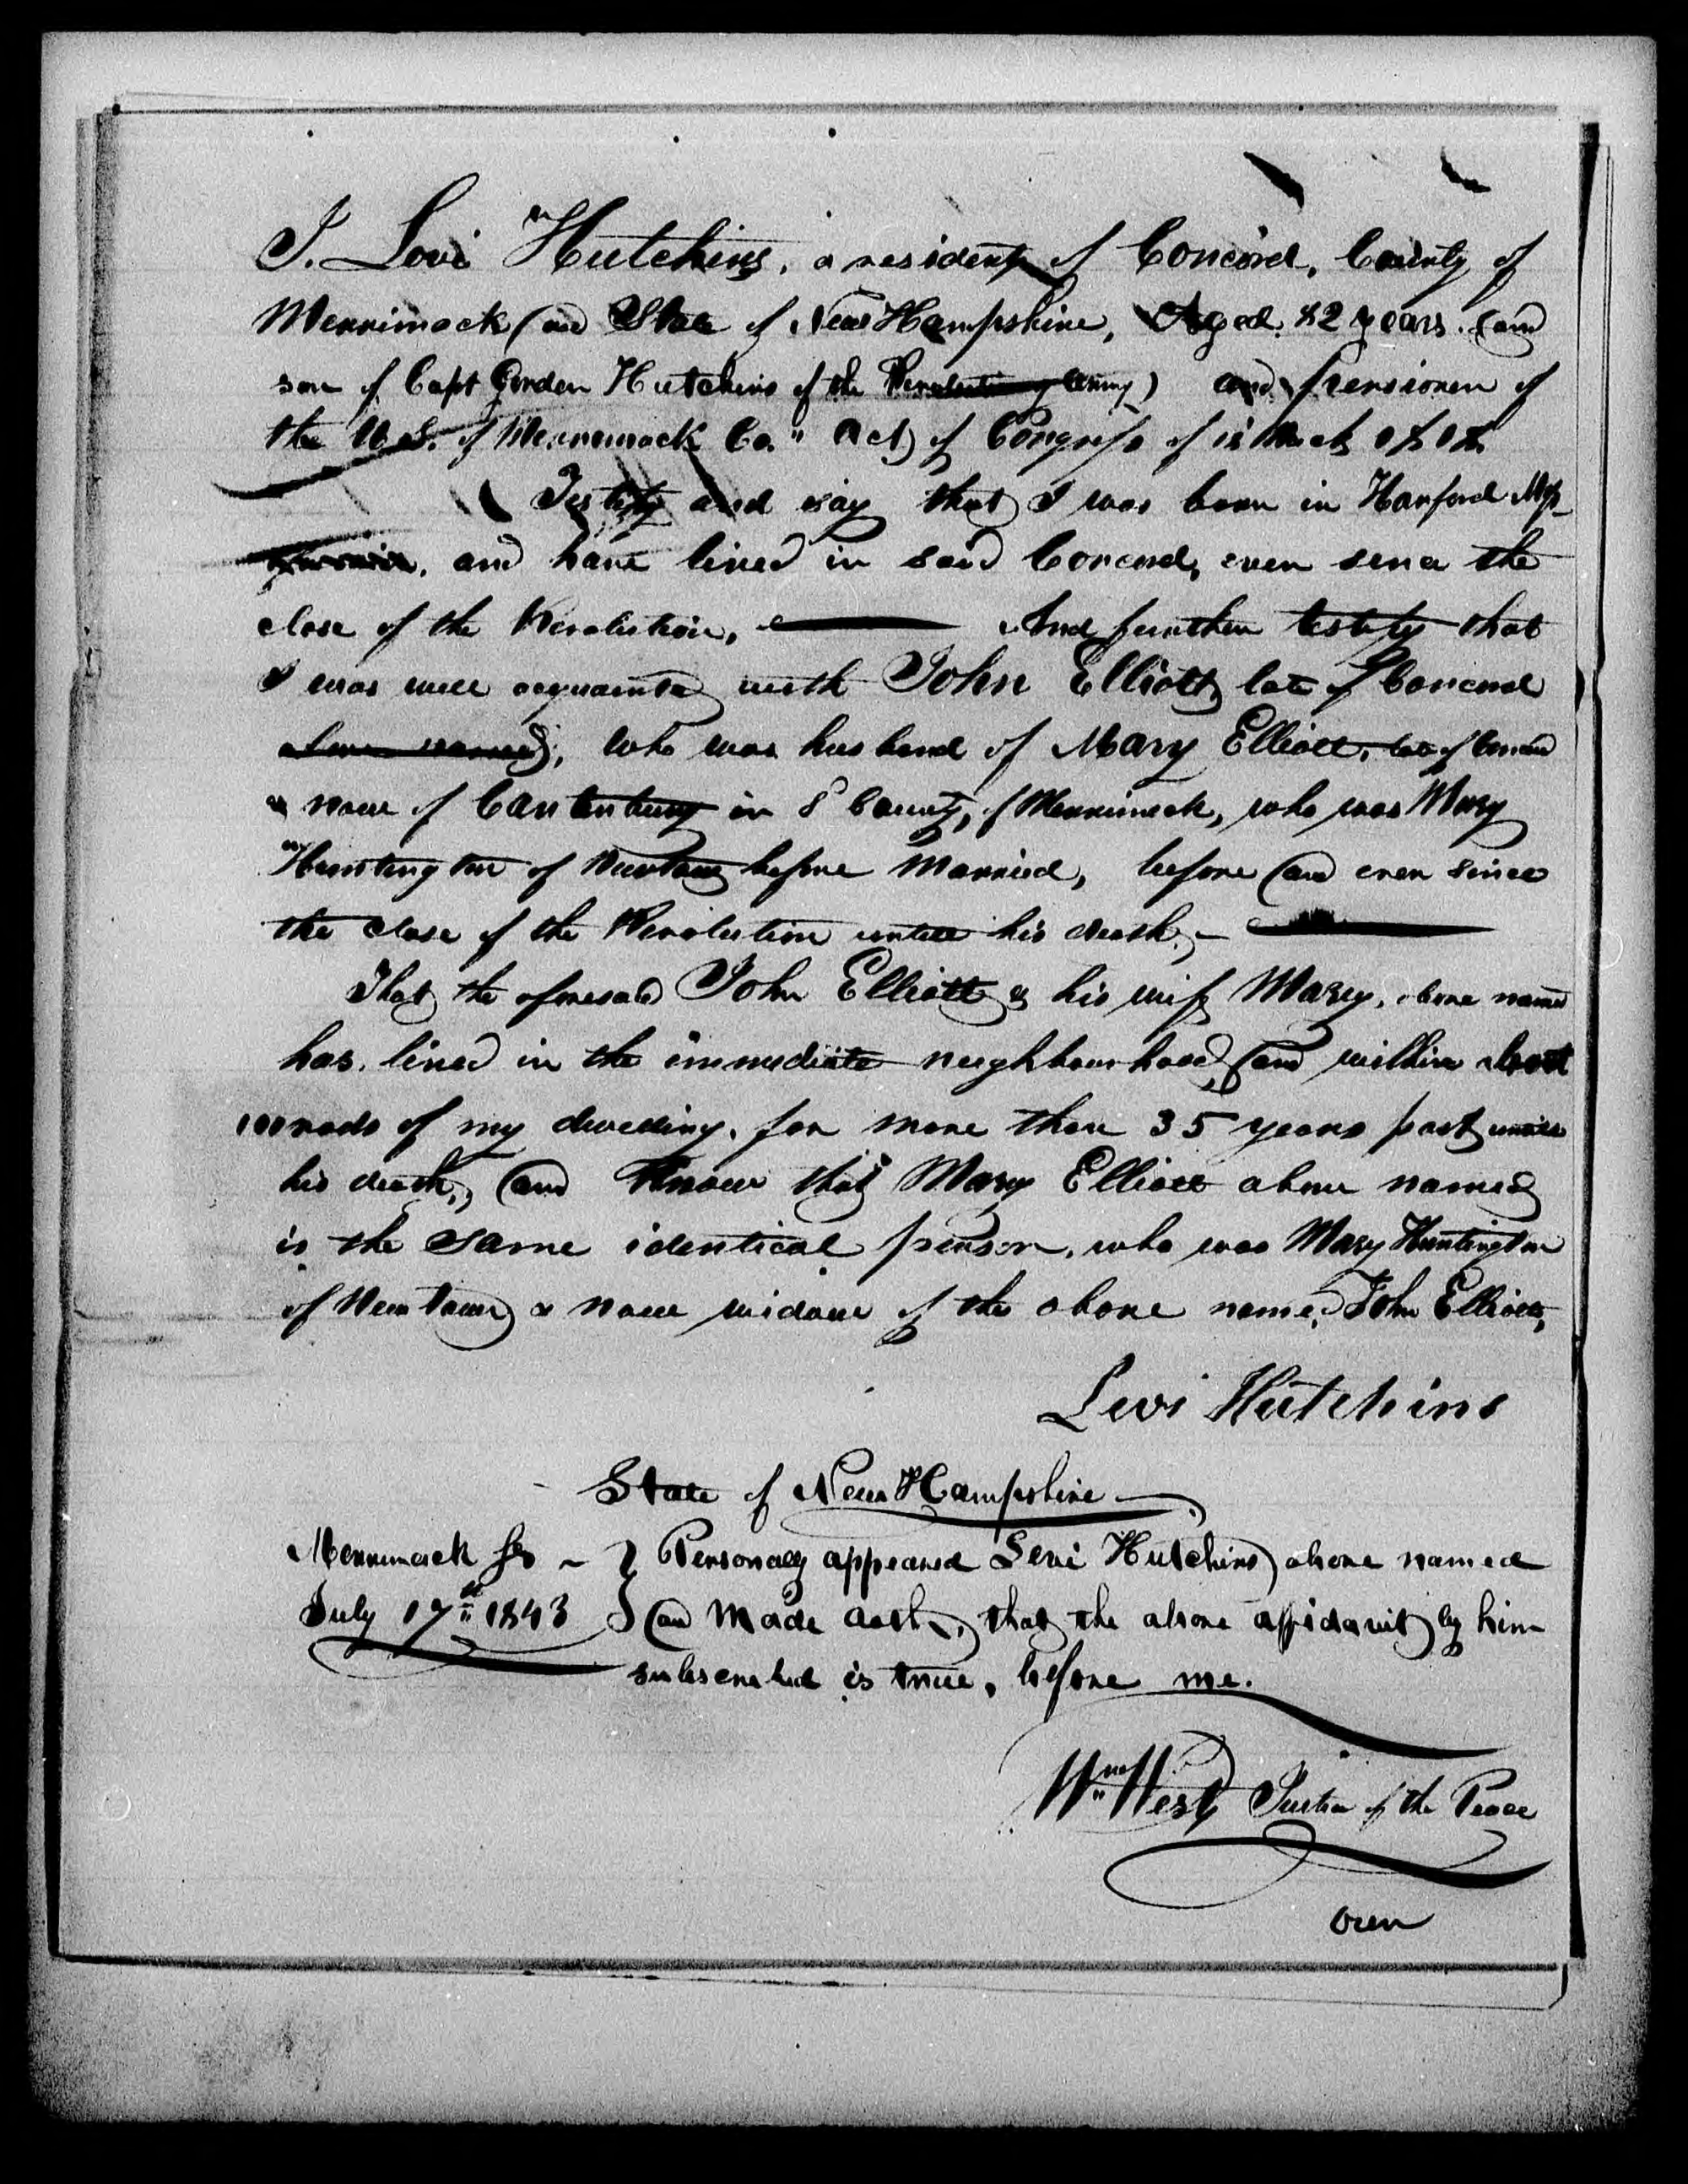I Lou Hutchins, a resident of Concord, County of Merrimack and State of New Hampshire, Aged 82 years and
son of Capt Gorden Hutchins of the Revolutionary army) and pensioner of
the U.S. of Merrimack Co act of Congress of it March 18 1818
I Justify and say that I was born in Hanford M
[illegible] and have lived in said Concord ever since the 
close of the Revolution,
And further testify that
I was well acquainted with John Elliott late of Concord, who was husband of Mary Elliott, lot and now of Canterbury in sd County of Merrimack, who was Mary
Huntington of Newtown before married, before and even since
the close of the Revolution untill his death.
That the aforesaid John Elliott & his wife Mary, above named
has lived in the immediate neighbourhood and within about
100 rods of my dwelling for more than 35 years past
his death, and know that Mary Elliott above named
is the same identical person who was Mary Huntington
of Newtown & now widow of the above named John Elliott

Levi Hutchins
State of New Hampshire-
Merrimack SS ⎬ Personally appeared Levi Hutchins whose named
July 17th 1843 and made oath that the above affidavit by him
subscribed is true before me.
Wm West Justice of Peace 
Owen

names: Gorden Hutchins, John Elliott, Levi Hutchins, Mary Huntington, Levi Hutchins, Wm West, Mary Huntington, John Elliott, Mary, Levi Hutchins, John Elliott, Mary Elliott, Mary Elliott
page: 49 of 57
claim: widow's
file: W. 16,114, John Elliot, Continental (Mass) N.H.